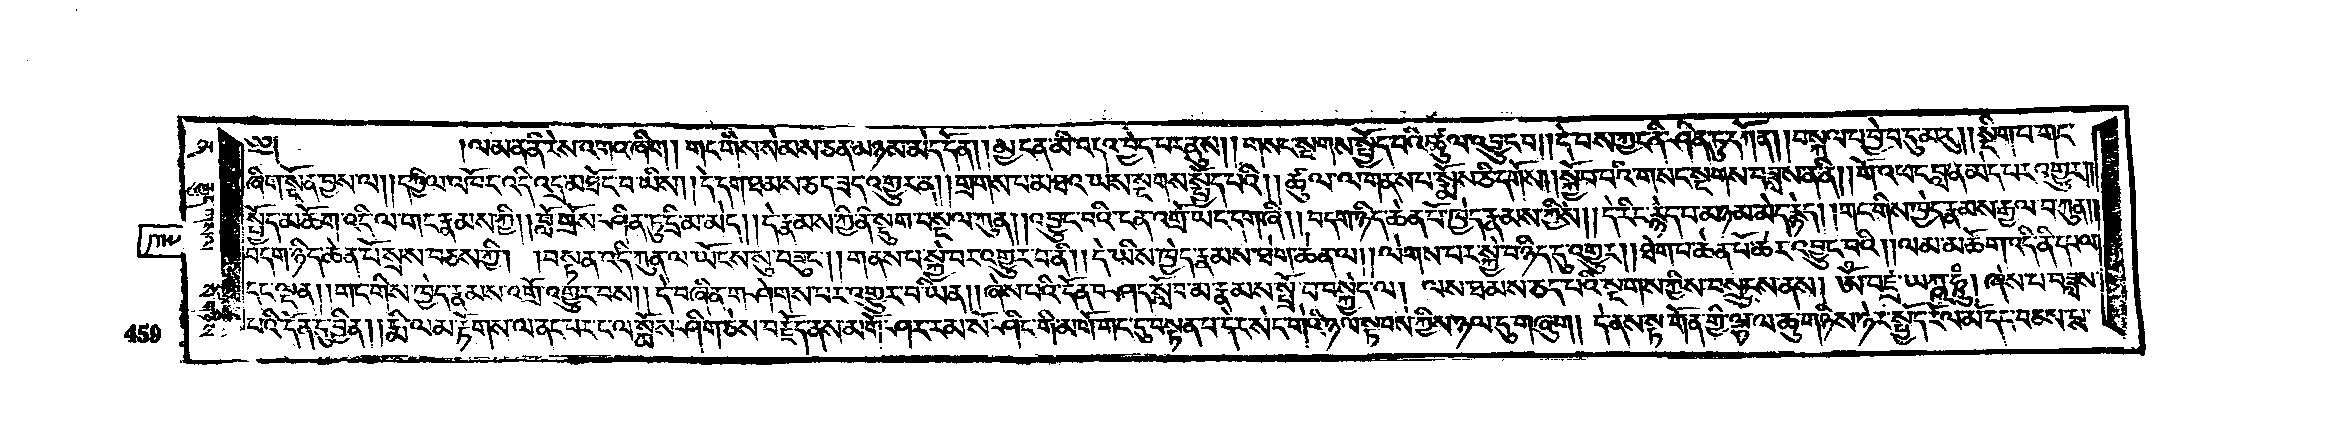༄༅། །ལམ་ན་ནི་རེས་འགའ་ཞིག །གང་གིས་སེམས་ཅན་མཉམ་མེད་དོན། །མྱ་ངན་མི་འདའ་བྱེད་པར་ནུས། །གསང་སྔགས་སྤྱོད་པའི་ཚུལ་འབྱུང་བ། །དེ་བས་ཀྱང་ནི་ཤིན་ཏུ་དཀོན། །བསྐལ་པ་བྱེ་བ་དུ་མ་རུ། །སྡིག་པ་གང་
ཞིག་སྔོན་བྱས་ལ། །དཀྱིལ་འཁོར་འདི་འདྲ་མཐོང་བ་ཡིས། །དེ་དག་ཐམས་ཅད་ཟད་འགྱུར་ན། །གྲགས་པ་མཐའ་ཡས་སྔགས་སྤྱོད་པའི། །ཚུལ་ལ་གནས་པ་སྨོས་ཅི་དགོས། །སྐྱོབ་པའི་གསང་སྔགས་བཟླས་ན་ནི། །གོ་འཕང་བླ་ན་མེད་པར་འགྱུར།།
སྤྱོད་མཆོག་འདི་ལ་གང་རྣམས་ཀྱི། །བློ་གྲོས་ཤིན་ཏུ་དྲི་མ་མེད། །དེ་རྣམས་ཀྱི་ནི་སྡུག་བསྔལ་ཀུན། །འབྱུང་བའི་ངན་འགྲོ་ཡང་དག་ཞི། །བདག་ཉིད་ཆེན་པོ་ཁྱེད་རྣམས་ཀྱིས། །དེ་རིང་རྙེད་པ་མཉམ་མེད་རྙེད། །གང་གིས་ཁྱེད་རྣམས་རྒྱལ་བ་ཀུན།།
བདག་ཉིད་ཆེན་པོ་སྲས་བཅས་ཀྱི། །བསྟན་འདི་ཀུན་ལ་ཡོངས་སུ་བཟུང་། །གནས་པ་སྐྱེ་བར་འགྱུར་བ་ནི། །དེ་ཡིས་ཁྱེད་རྣམས་ཐེག་ཆེན་ལ། །ལེགས་པར་སྐྱེ་བ་ཉིད་དུ་འགྱུར། །ཐེག་པ་ཆེན་པོ་ཆེར་འབྱུང་བའི། །ལམ་མཆོག་འདི་ནི་དཔལ་
དང་ལྡན། །གང་གིས་ཁྱེད་རྣམས་འགྲོ་འགྱུར་བས། །དེ་བཞིན་གཤེགས་པར་འགྱུར་བ་ཡིན། །ཞེས་པའི་དོན་བཤད་སློབ་མ་རྣམས་སྤྲོ་བ་བསྐྱེད་ལ། ལས་ཐམས་ཅད་པའི་སྔགས་ཀྱིས་བསྲུངས་ནས། ཨོཾ་བཛྲ་ཡཀྵ་ཧཱུཾ། ཞེས་པ་བཟླས་
པའི་དོན་དུ་བྱིན། །རྨི་ལམ་རྟོགས་ལ་ནང་པར་ང་ལ་སྨོས་ཤིག་ཅེས་བརྗོད་ནས་མགོ་ཤར་རམ་སོ་ཤིང་གི་མགོ་གང་དུ་བསྟན་པ་དེར་སེང་གེའི་ཉལ་སྟབས་ཀྱིས་ཉལ་དུ་གཞུག །དེ་ནས་སྟ་གོན་གྱི་ལྷ་ལ་ཆུ་གཉིས་ཉེར་སྤྱོད་རོལ་མོ་དང་བཅས་པས་